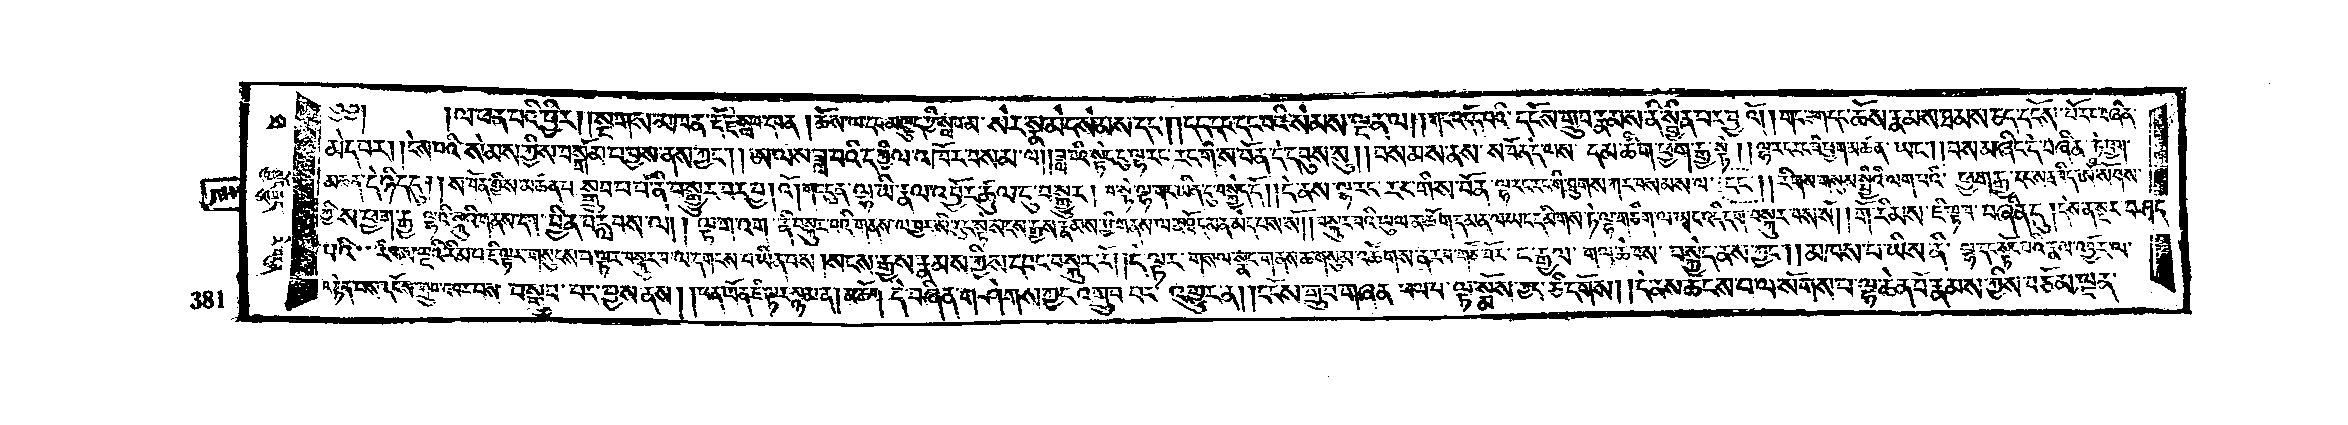༄༅། །ལ་ཕན་པའི་ཕྱིར། །སྔགས་མཁན་རྡོ་རྗེ་སློབ་དཔོན། ཆོས་ལ་དཔེ་མཁྱུད་ཀྱི་སློབ་མ་སེར་སྣ་མེད་སེམས་དང་། །དད་དང་དང་བའི་སེམས་ལྡན་ལ། ། གང་འདོད་པའི་དངོས་གྲུབ་རྣམས་ནི་སྦྱིན་པར་བྱའོ། གང་ཟག་དང་ཆོས་རྣམས་ཐམས་ཅད་དངོས་པོ་རང་བཞིན
མེད་པར། །ངེས་པའི་སེམས་ཀྱིས་བསྒོམ་པ་བྱས་ནས་ཀྱང་། །ཨ་ལས་ཟླ་བའི་དཀྱིལ་འཁོར་བསམ་ལ། །ཟླ་བའི་སྟེང་དུ་ལྷ་རང་རང་གི་ས་བོན་དེ་དབུས་སུ། །བསམས་ནས་ས་བོན་དེ་ལས་དམ་ཚིག་ཕྱག་རྒྱ་སྟེ། །ལྷ་རང་རང་གི་ཕྱག་མཚན་ཡང་། །བསམ་ཞིང་དེ་བཞིན་ཏེ་ཕྱག་
མཚན་དེ་ཉིད་དུ། ། ས་བོན་གྱིས་མཚན་པ་སྒྲུབ་པ་པོ་ནི་བསྒྱུར་བར་བྱ། འོ། གང་དུན་ལྷ་ཡི་རྣལ་འབྱོར་ཚུལ་དུ་བསྒྱུར། བ་སྟེ་ལྷ་གང་ཡིན་དུ་བསྐྱེད་དོ།  །དེ་ནས་ལྷ་རང་རང་གི་ས་བོན་ལྷ་རང་རང་གི་ཐུགས་ཀར་བསམས་ལ་དང་། ། རིགས་གསུམ་སྤྱིའི་ལག་པའི་ཕྱག་རྒྱ་དང་སརྦ་བདེ་ཨོཾ་སོགས་
ཀྱིས་ཕྱག་རྒྱ་ལྷའི་སྐུའི་གནས་དག་བྱིན་བརླབས་ལ། །ལྟ་ག་འོག་ནི་བསྐུར་བའི་གནས་ལ་བྱར་མི་རུང་སྟེ་སངས་རྒྱས་རྣམས་ཀྱི་གནས་ལ་མཐོད་མན་མེད་པས་སོ། །བསྐུར་བའི་ཡུལ་མཆོག་དམན་ལ་ཡང་དམིགས་ཏེ་ལྷ་གཅིག་ལ་ཡང་འདི་དག་བསྐུར་བས་སོ།  །གོ་རིམས་ཇི་ལྟ་བ་བཞིན་དུ། དེས་ན་སྔར་བཤད་
པའི་རིགས་ལྔའི་རིམ་པ་ཇི་ལྟར་གསུངས་པ་ལྟར་བསྐུར་བ་ལ་དགོངས་པ་ཡིན་པས།  སངས་རྒྱས་རྣམས་ཀྱིས་དབང་བསྐུར་རོ། །དེ་ལྟར་གསལ་སྣང་གནས་ཆ་གསུམ་འཚོགས་ན་རབ་གཙོ་བོར་ང་རྒྱལ་གལ་ཆེ་བས་བསྐྱེད་ནས་ཀྱང་། །མཁས་པ་ཡིས་ནི་ལྷ་དང་སྟོང་པའི་རྣལ་འབྱོར་ལ་
བརྟེན་པས་དངོས་གྲུབ་འབར་བས་བསྒྲུབ་པར་བྱས་ནས། །ཕན་ཡན་ཇི་ལྟར་སྙམ་ན། མཆོག་དེ་བཞིན་གཤེགས་ཀྱང་འགྲུབ་པར་འགྱུར་ན། །དངོས་གྲུབ་གཞན་ཕལ་པ་ལྟ་སྨོས་ཀྱང་ཅི་དགོས། །དེ་ནས་ཚངས་པ་ལ་སོགས་པ་ལྷ་ཆེན་པོ་རྣམས་ཀྱིས་བཅོམ་ལྡན་